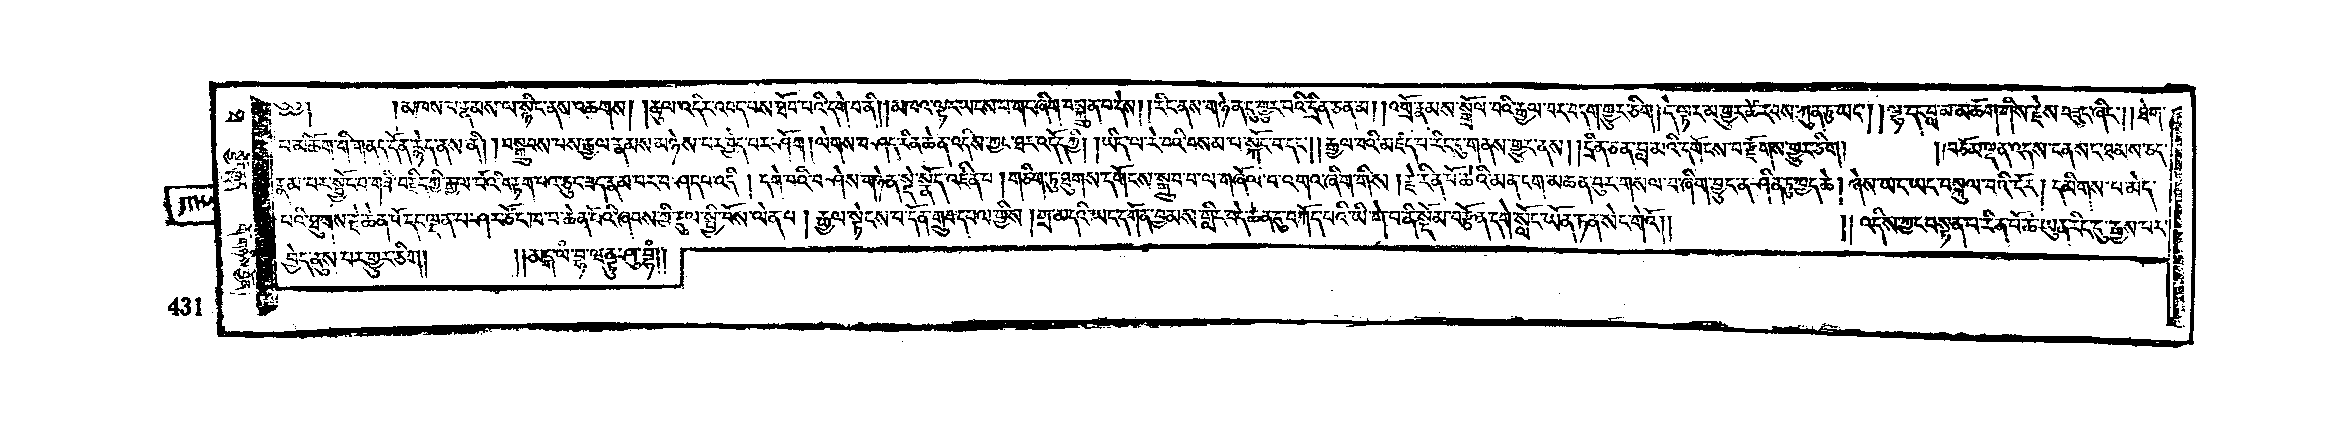༄༅། །མཁས་པ་རྣམས་ལ་སྙིང་ནས་འཆགས། །ཚུལ་འདིར་འབད་པས་ཐོབ་པའི་དགེ་བ་ནི། །མཁའ་ལྟར་ཡངས་པ་གང་ཞིག་བསྐྲུན་པ་དེས། །རིང་ནས་གཉེན་དུ་གྱུར་པའི་དྲིན་ཅན་མ། །འགྲོ་རྣམས་སྒྲོལ་བའི་རྒྱལ་བར་བདག་གྱུར་ཅིག །དེ་ལྟར་མ་གྱུར་ཚེ་རབས་ཀུན་ཏུ་ཡང་། །ལྷ་དང་བླ་མ་མཆོག་གིས་རྗེས་བཟུང་ཞིང་། །ཐེག་
པ་མཆོག་གི་གནད་དོན་རྙེད་ནས་ནི། །བསྒྲུབས་པས་རྒྱལ་རྣམས་མཉེས་པར་བྱེད་པར་ཤོག །ལེགས་བཤད་རིན་ཆེན་འདིས་ཀྱང་ཐར་འདོད་ཀྱི། །ཡིད་ལ་རེ་བའི་བསམ་པ་སྐོང་བ་དང་། །རྒྱལ་བའི་མཛད་པ་རིང་དུ་གནས་གྱུར་ནས། །དྲིན་ཅན་བླ་མའི་དགོངས་པ་རྫོགས་གྱུར་ཅིག ། །།བཅོམ་ལྡན་འདས་ངན་སོང་ཐམས་ཅད་
རྣམ་པར་སྦྱོང་བ་གཟི་བརྗིད་ཀྱི་རྒྱལ་པོའི་བརྟག་པའི་ཅུང་ཟད་རྣམ་པར་བཤད་པ་འདི། དགེ་བའི་བཤེས་གཉེན་སྡེ་སྣོད་འཛིན་པ། གཅིག་ཏུ་ཐུགས་དགོངས་སྒྲུབ་པ་ལ་གཞོལ་བ་འགའ་ཞིག་གིས། རྗེ་རིན་པོ་ཆེའི་མན་ངག་མཆན་བུར་གསལ་བ་ཞིག་བྱུང་ན་ཤིན་ཏུ་ཁྱད་ཆེ། ཞེས་ཡང་ཡང་བསྐུལ་བའི་ངོར། དམིགས་པ་མེད་
པའི་ཐུགས་རྗེ་ཆེན་པོ་དང་ལྡན་པ་ཤར་ཙོང་ཁ་པ་ཆེན་པོའི་ཞབས་ཀྱི་རྡུལ་སྤྱི་བོས་ལེན་པ། རྒྱལ་སྟེངས་པ་དོན་གྲུབ་དཔལ་གྱིས། གྲ་མདའི་ཡང་དགོན་བྱམས་གླིང་བདེ་ཚན་དུ་བཀོད་པའི་ཡི་གེ་པ་ནི་སྡོམ་བརྩོན་དགེ་སློང་ཡོན་ཏན་སེང་གེའོ།། །།འདིས་ཀྱང་བསྟན་པ་རིན་པོ་ཆེ་ཡུན་རིང་དུ་རྒྱས་པར་
བྱེད་ནུས་པར་གྱུར་ཅིག ། །།མངྒ་ལཾ་བྷ་ཝནྟུ་ཤུ་བྷཾ།།